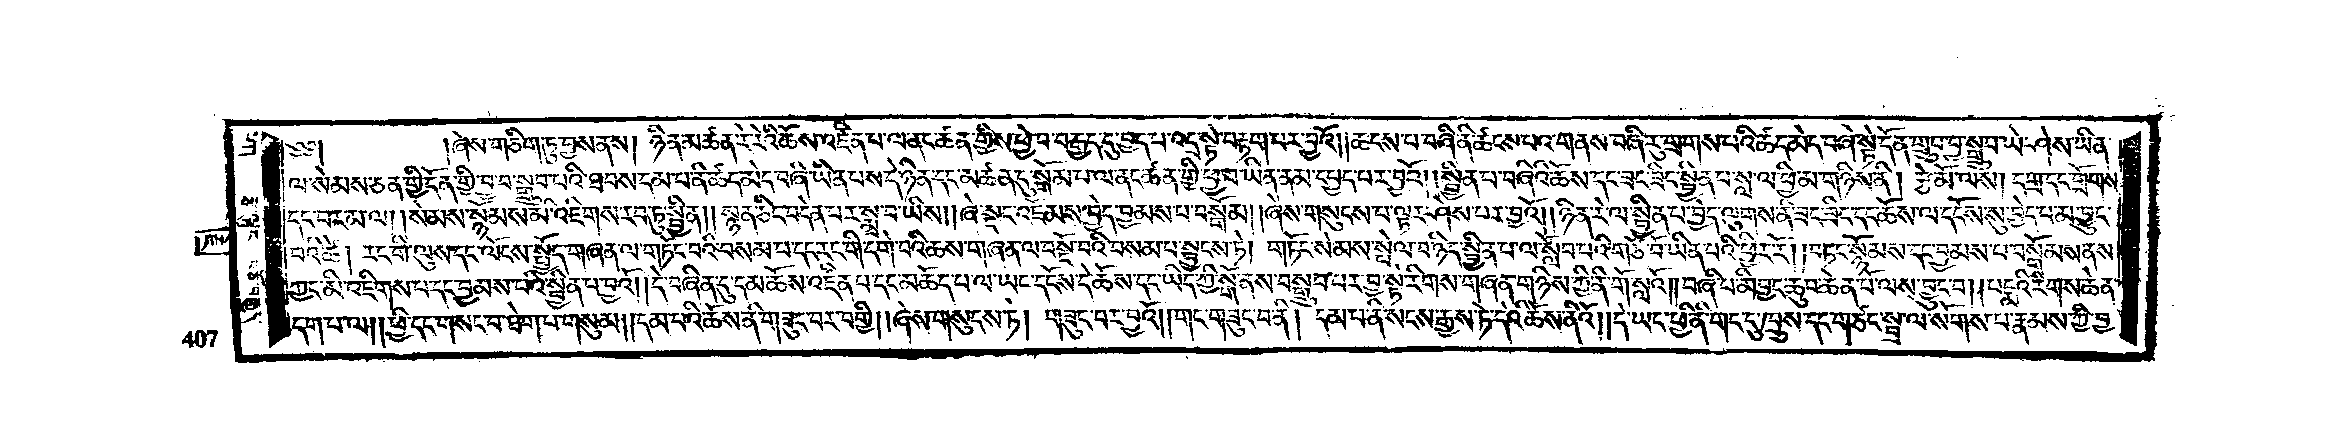༄༅། །ཞེས་གཅིག་ཏུ་བྱས་ནས། ཉིན་མཚན་རེ་རེའི་ཆོས་འཛིན་པ་ལ་ནང་ཚན་གྱིས་ཕྱེ་བ་བརྒྱད་དུ་བྱད་པ་འདྲ་སྟེ་བརྟག་པར་བྱའོ། །ཚངས་པ་བཞི་ནི་ཚངས་པའི་གནས་བཞི་རུ་གྲགས་པའི་ཚད་མེད་བཞི་སྟེ་དོན་གྲུབ་བྱ་སྒྲུབ་ཡེ་ཤེས་ཡིན་
ལ་སེམས་ཅན་གྱི་དོན་གྱི་བྱ་བ་སྒྲུབ་པའི་ཐབས་དམ་པ་ནི་ཚད་མེད་བཞི་ཡིན་པས་དེ་ཉིན་དང་མཚན་དུ་སྒོམ་པ་ལ་ནང་ཚན་གྱི་བྱ་བ་ཡིན་ནམ་དཔྱད་པར་བྱའོ། །སྦྱིན་པ་བཞིའི་ཆོས་དང་ཟང་ཟིང་སྦྱིན་པ་སླ་ལ་ཕྱི་མ་གཉིས་ནི། རྩེ་མོ་ལས། དགྲ་དང་གྲོགས་
དང་བར་མ་ལ། །སེམས་སྙོམས་མི་འཇིགས་རབ་ཏུ་སྦྱིན། །སྙན་ཅིང་བདེན་པར་སྨྲ་བ་ཡིས། །ཞེ་སྡང་འཇོམས་བྱེད་བྱམས་པ་བསྒོམ། །ཞེས་གསུངས་པ་ལྟར་ཤེས་པར་བྱའོ། །ཉིན་རེ་ལ་སྦྱིན་པ་བྱེད་ལུགས་ནི་ཟང་ཟིང་དང་ཆོས་ལ་དངོས་སུ་བྱེད་པ་མ་བྱུང་
བའི་ཚེ། རང་གི་ལུས་དང་ལོངས་སྤྱོད་གཞན་ལ་གཏོང་བའི་བསམ་པ་དང་རང་གི་དགེ་བའི་ཆས་གཞན་ལ་བསྔོ་བའི་བསམ་པ་སྦྱངས་ཏེ། གཏོང་སེམས་སྤེལ་བ་ཉིད་སྦྱིན་པ་ལ་སློབ་པའི་གཙོ་བོ་ཡིན་པའི་ཕྱིར་རོ། །བཏང་སྙོམས་དང་བྱམས་པ་བསྒོམས་ནས་
ཀྱང་མི་འཇིགས་པ་དང་བྱམས་པའི་སྦྱིན་པ་བྱའོ། །དེ་བཞིན་དུ་དམ་ཆོས་འཛིན་པ་དང་མཆོད་པ་ལ་ཡང་དངོས་དེ་ཆོས་དང་ཡིད་ཀྱི་སྒོ་ནས་བསྒྲུབ་པར་བྱ་སྟེ་རིགས་གཞན་གཉིས་ཀྱི་ནི་གོ་སླའོ། །བཞི་པ་མི་བྱང་ཆུབ་ཆེན་པོ་ལས་བྱུང་བ། །པདམའི་རིགས་ཆེན་
དག་པ་ལ། །ཕྱི་དང་གསང་བ་ཐེག་པ་གསུམ། །དམ་པའི་ཆོས་ནི་གཟུང་བར་བགྱི། །ཞེས་གསུངས་ཏེ། གཟུང་བར་བྱའོ། །གང་གཟུང་བ་ནི། དམ་པ་ནི་སངས་རྒྱས་ཏེ་དེའི་ཆོས་ནིའོ། །དེ་ཡང་ཕྱི་ནི་གང་དུ་ཁྲུས་དང་གཙང་སྦྲ་ལ་སོགས་པ་རྣམས་ཀྱི་བྱ་